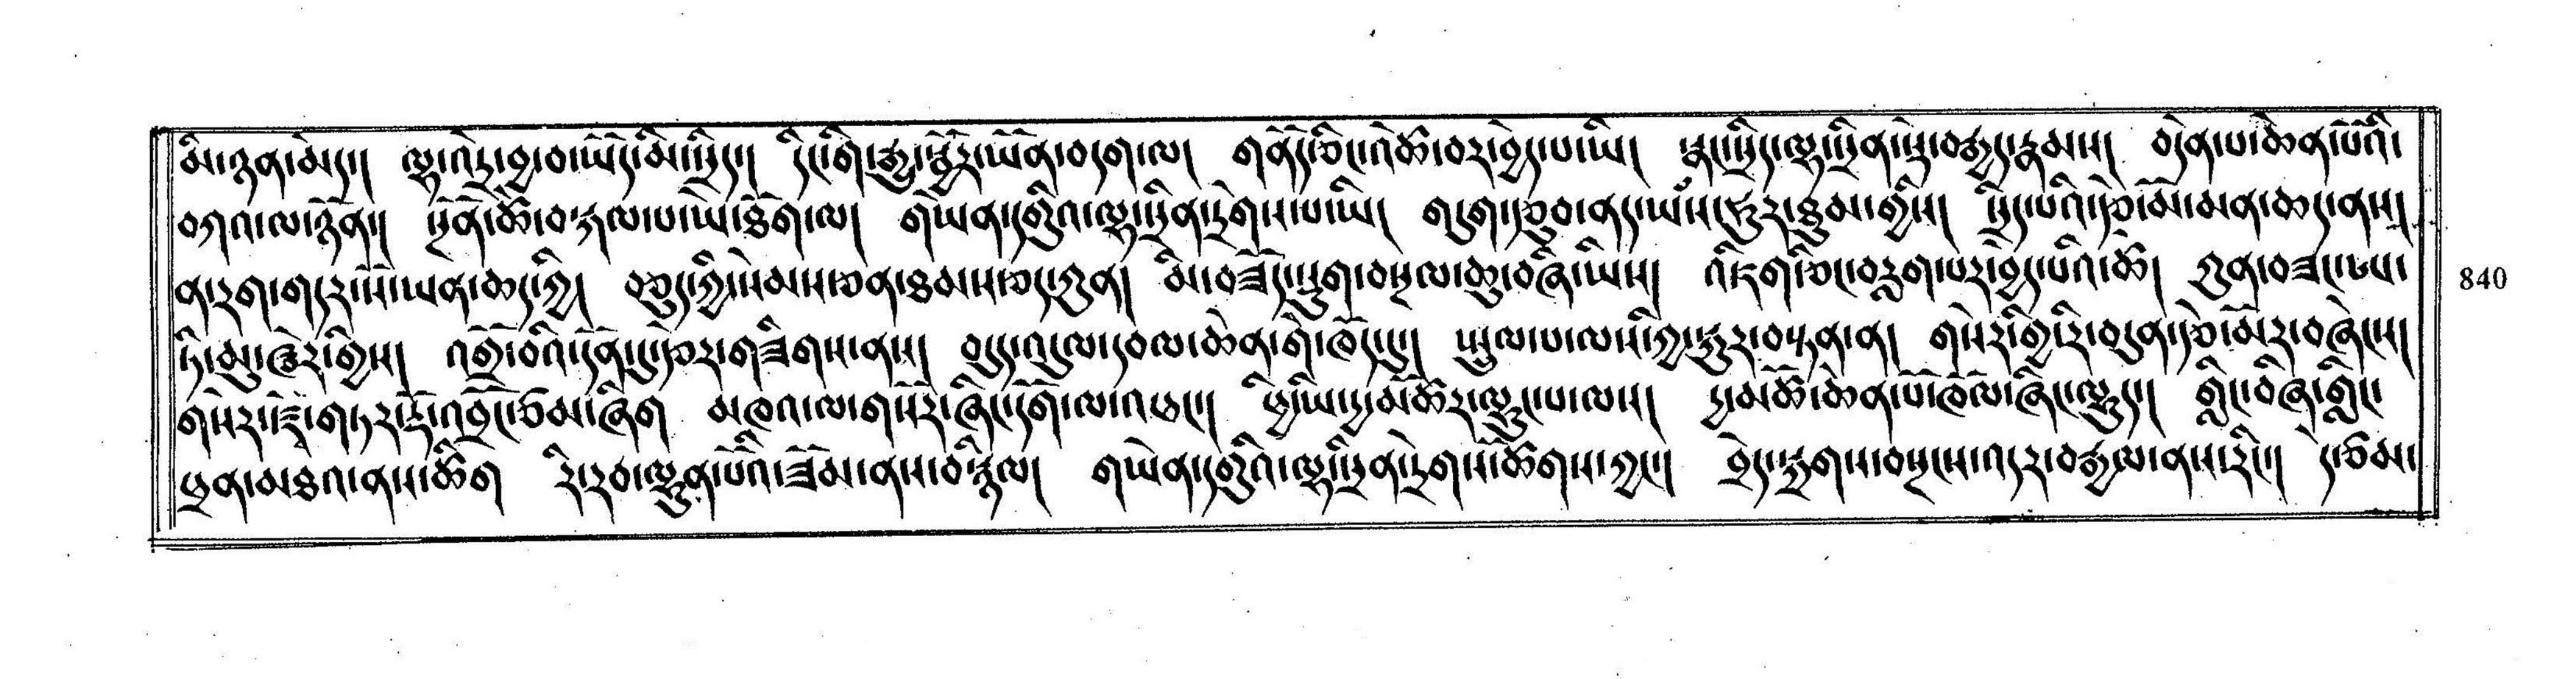མི་ཉན་མེད། ལྷ་འདྲེ་བྱ་བ་ཡོད་མི་སྲིད། དིང་གི་རྒྱུ་སྦྱོར་ཡོན་བདག་ལ། གནོད་ཅིང་འཚེ་བར་བྱེད་པ་ཡི། སྣང་སྲིད་ལྷ་སྲིན་སྡེ་བརྒྱད་རྣམས། བདེན་པ་ཆེན་པོའི་
བཀའ་ལ་ཉོན། སྔོན་ཚེ་བསྐལ་པ་ཡེ་ཐོག་ལ། གཡེན་དགུའི་ལྷ་སྲིན་དྲེགས་པ་ཡི། གདུག་རྩུབ་ནད་ཡམས་ཧུར་ཐུམ་གྱིས། སྲིད་པའི་རྩེ་མོ་མན་ཆད་ནས། 
ན་རག་གདར་སོ་ཡན་ཆད་ཀྱི། བཅུད་ཀྱི་སེམས་ཅན་ཐམས་ཅད་ཀུན། མི་བཟོད་སྡུག་བསྔལ་ཆུ་བཞི་ཡིས། འཇིག་ཅིང་བརླག་པར་བྱེད་པའི་ཚེ། ཀུན་བཟང་ཨ་
ཏི་མུ་ཝེར་གྱིས། འགྲོ་བའི་དོན་དུ་རྩེར་གཟིགས་ནས། བདུད་འདུལ་དབལ་ཆེན་གེ་ཁོད་དུ། སྤྲུལ་པ་ལས་ཀྱི་སྐུར་བསྟན་ན། གསེར་གྱི་རི་བདུན་རྩེ་མོར་བཞེངས། 
གསེར་ཛྭོ་གཏར་རྡོ་འབྲོང་ཙམ་ཞིག མཁའ་ལ་གསོར་ཞིང་དོག་ལ་འཕང་། ཕྱི་ཡི་རྒྱ་མཚོར་ལྷུང་པ་ལས། རྒྱ་མཚོ་ཆེན་པོ་ཁོལ་ཞིང་ལྷུད། གླིང་བཞི་གླིང་
ཕྲན་མཐའ་ནས་ཚིག རི་རབ་ལྷུན་པོའི་ཟོམ་ནས་བསྙིལ། གཡེན་དགུའི་ལྷ་སྲིན་དྲེགས་ཚོགས་ཀྱང་། བྲེད་སྐྲགས་བསྔངས་འདར་བརྒྱལ་ནས་རིང་། དེ་ཙམ་